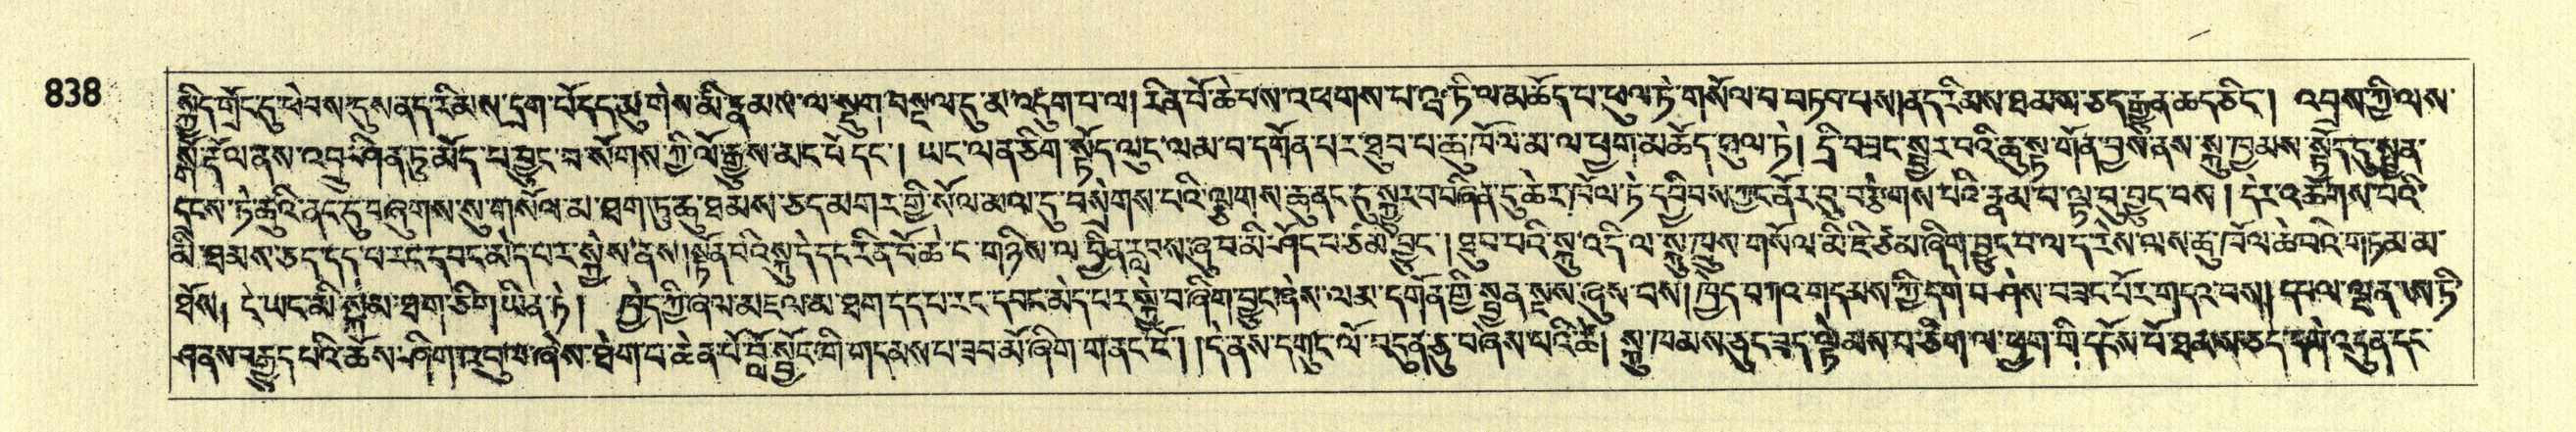སྐྱིད་གྲོང་དུ་ཕེབས་དུས་ནད་རིམས་དྲག་པོ་དད་མུ་གེས་མི་རྣམས་ལ་སྡུག་བསྔལ་དུ་མ་འདུག་པ་ལ། རིན་པོ་ཆེ་པས་འཕགས་པ་ཝ་ཏི་ལ་མཆོད་པ་ཕུལ་ཏེ་གསོལ་བ་བཏབ་པས། ནད་རིམས་ཐམས་ཅད་རྒྱུན་ཆད་ཅིང་། འབྲས་ཀྱི་ལས་
སྒོ་རྡོལ་ནས་འབྲུ་ཤིན་ཏུ་མོད་པ་བྱུང་བ་སོགས་ཀྱི་ལོ་རྒྱུས་མང་པོ་དང་། ཡང་ལན་ཅིག་སྟོད་ལུང་ལམ་བ་དགོན་པར་ཐུབ་པ་ཆུ་ཁོལ་མ་ལ་ཕྱག་མཆོད་ཕུལ་ཏེ། དྲི་བཟང་སྦྱར་བའི་ཆུ་སྟ་གོན་བྱས་ནས་སྐུ་ཁྱམས་སྟོད་དུ་སྤྱན་
དྲངས་ཏེ་ཆུའི་ནང་དུ་བཞུགས་སུ་གསོལ་མ་ཐག་ཏུ་ཆུ་ཐམས་ཅད་མགར་གྱི་སོལ་མལ་དུ་བསྲེགས་པའི་ལྕགས་ཆུ་ནང་དུ་སྐྱུར་བ་བཞིན་དུ་ཆེར་ཁོལ་ཏེ་དབྱིབས་ཀྱང་ནོར་བུ་བརྩེགས་པའི་རྣམ་པ་ལྟ་བུ་བྱུང་བས། དེར་འཆོགས་པའི་
མི་ཐམས་ཅད་དད་པ་རང་དབང་མེད་པར་སྐྱེས་ནས་།སྟོན་པའི་སྐུ་དེ་དང་རིན་བོ་ཆེ་ང་གཉིས་ལ་བྱིན་རླབས་ཞུ་བ་མི་ཤོང་བ་ཙམ་བྱུང་། ཐུབ་པའི་སྐུ་འདི་ལ་སྐུ་ཁྲུས་གསོལ་མི་ཇི་ཙམ་ཞིག་བྱུང་བ་ལ་ད་རེས་ལས་ཆུ་ཁོལ་ཆེ་བའི་གཏམ་མ་
ཐོས། དེ་ཡང་མི་སྐམ་ཐག་ཅིག་ཡིན་ཏེ། ཁྱེད་ཀྱི་ཞལ་མཇལ་མ་ཐག་དད་པ་རང་དབང་མེད་པར་སྐྱེ་བ་ཞིག་བྱུང་ཞེས་ལམ་དགོན་གྱི་སྤྱན་སྔས་ཞུས་བས། ཁྱེད་བཀའ་གདམས་ཀྱི་དགེ་བཤེས་བཟང་པོར་གདའ་བས། དཔལ་ལྡན་ཨ་ཏི་
ཤ་ནས་བརྒྱུད་པའི་ཆོས་ཤིག་འབུལ་ཞེས་ཐེག་པ་ཆེན་པོ་བློ་སྦྱོང་གི་གདམས་པ་ཟབ་མོ་ཞིག་གནང་ངོ། །དེ་ནས་དགུང་ལོ་བདུན་ཅུ་བཞེས་པའི་ཚེ། སྐུ་ཁམས་ཅུང་ཟད་ལྟེམས་པ་ཅིག་ལ་ཕྱག་གི་དངོས་པོ་ཐམས་ཅད་དགེ་འདུན་དང་